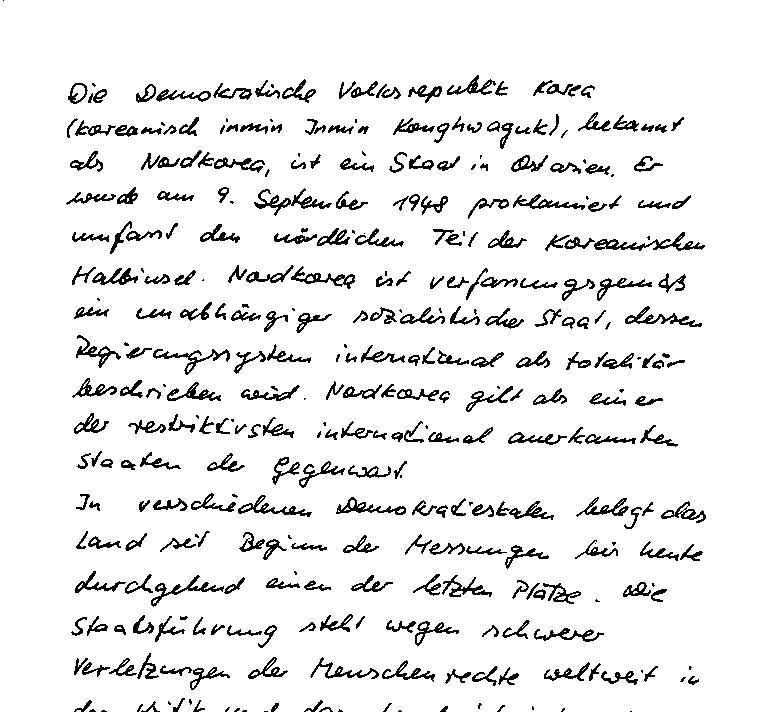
Die Demokratische Volksrepublik Korea
(koreanisch inmin Inmin Konghwaguk), bekannt
als Nordkorea, ist ein Staat in Ostasien. Er
wurde am 9. September 1948 proklamiert und
umfasst den nördlichen Teil der Koreanischen
Halbinsel. Nordkorea ist verfassungsgemäß
ein unabhängiger sozialistischer Staat, dessen
Regierungssystem international als totalitär
beschrieben wird. Nordkorea gilt als einer
der restriktivsten international anerkannten
Staaten der Gegenwart.
In verschiedenen Demokratieskalen belegt das
Land seit Beginn der Messungen bis heute
durchgehend einen der letzten Plätze. Die
Staatsführung steht wegen schwerer
Verletzungen der Menschenrechte weltweit in
